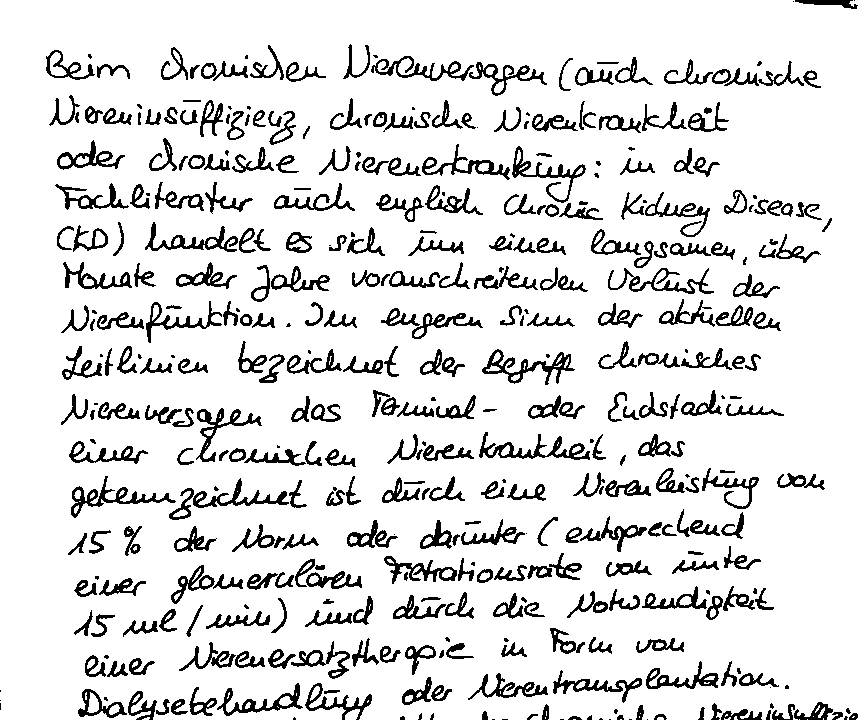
Beim chronischen Nierenversagen (auch chronische
Niereninsuffizienz, chronische Nierenkrankheit
oder chronische Nierenerkrankung; in der
Fachliteratur auch englisch Chronic Kidney Disease,
CKD) handelt es sich um einen langsamen, über
Monate oder Jahre voranschreitenden Verlust der
Nierenfunktion. Im engeren Sinn der aktuellen
Leitlinien bezeichnet der Begriff chronisches
Nierenversagen das Terminal- oder Endstadium
einer chronischen Nierenkrankheit, das
gekennzeichnet ist durch eine Nierenleistung von
15 % der Norm oder darunter (entsprechend
einer glomerulären Filtrationsrate von unter
15 ml/min) und durch die Notwendigkeit
einer Nierenersatztherapie in Form von
Dialysebehandlung oder Nierentransplantation.
